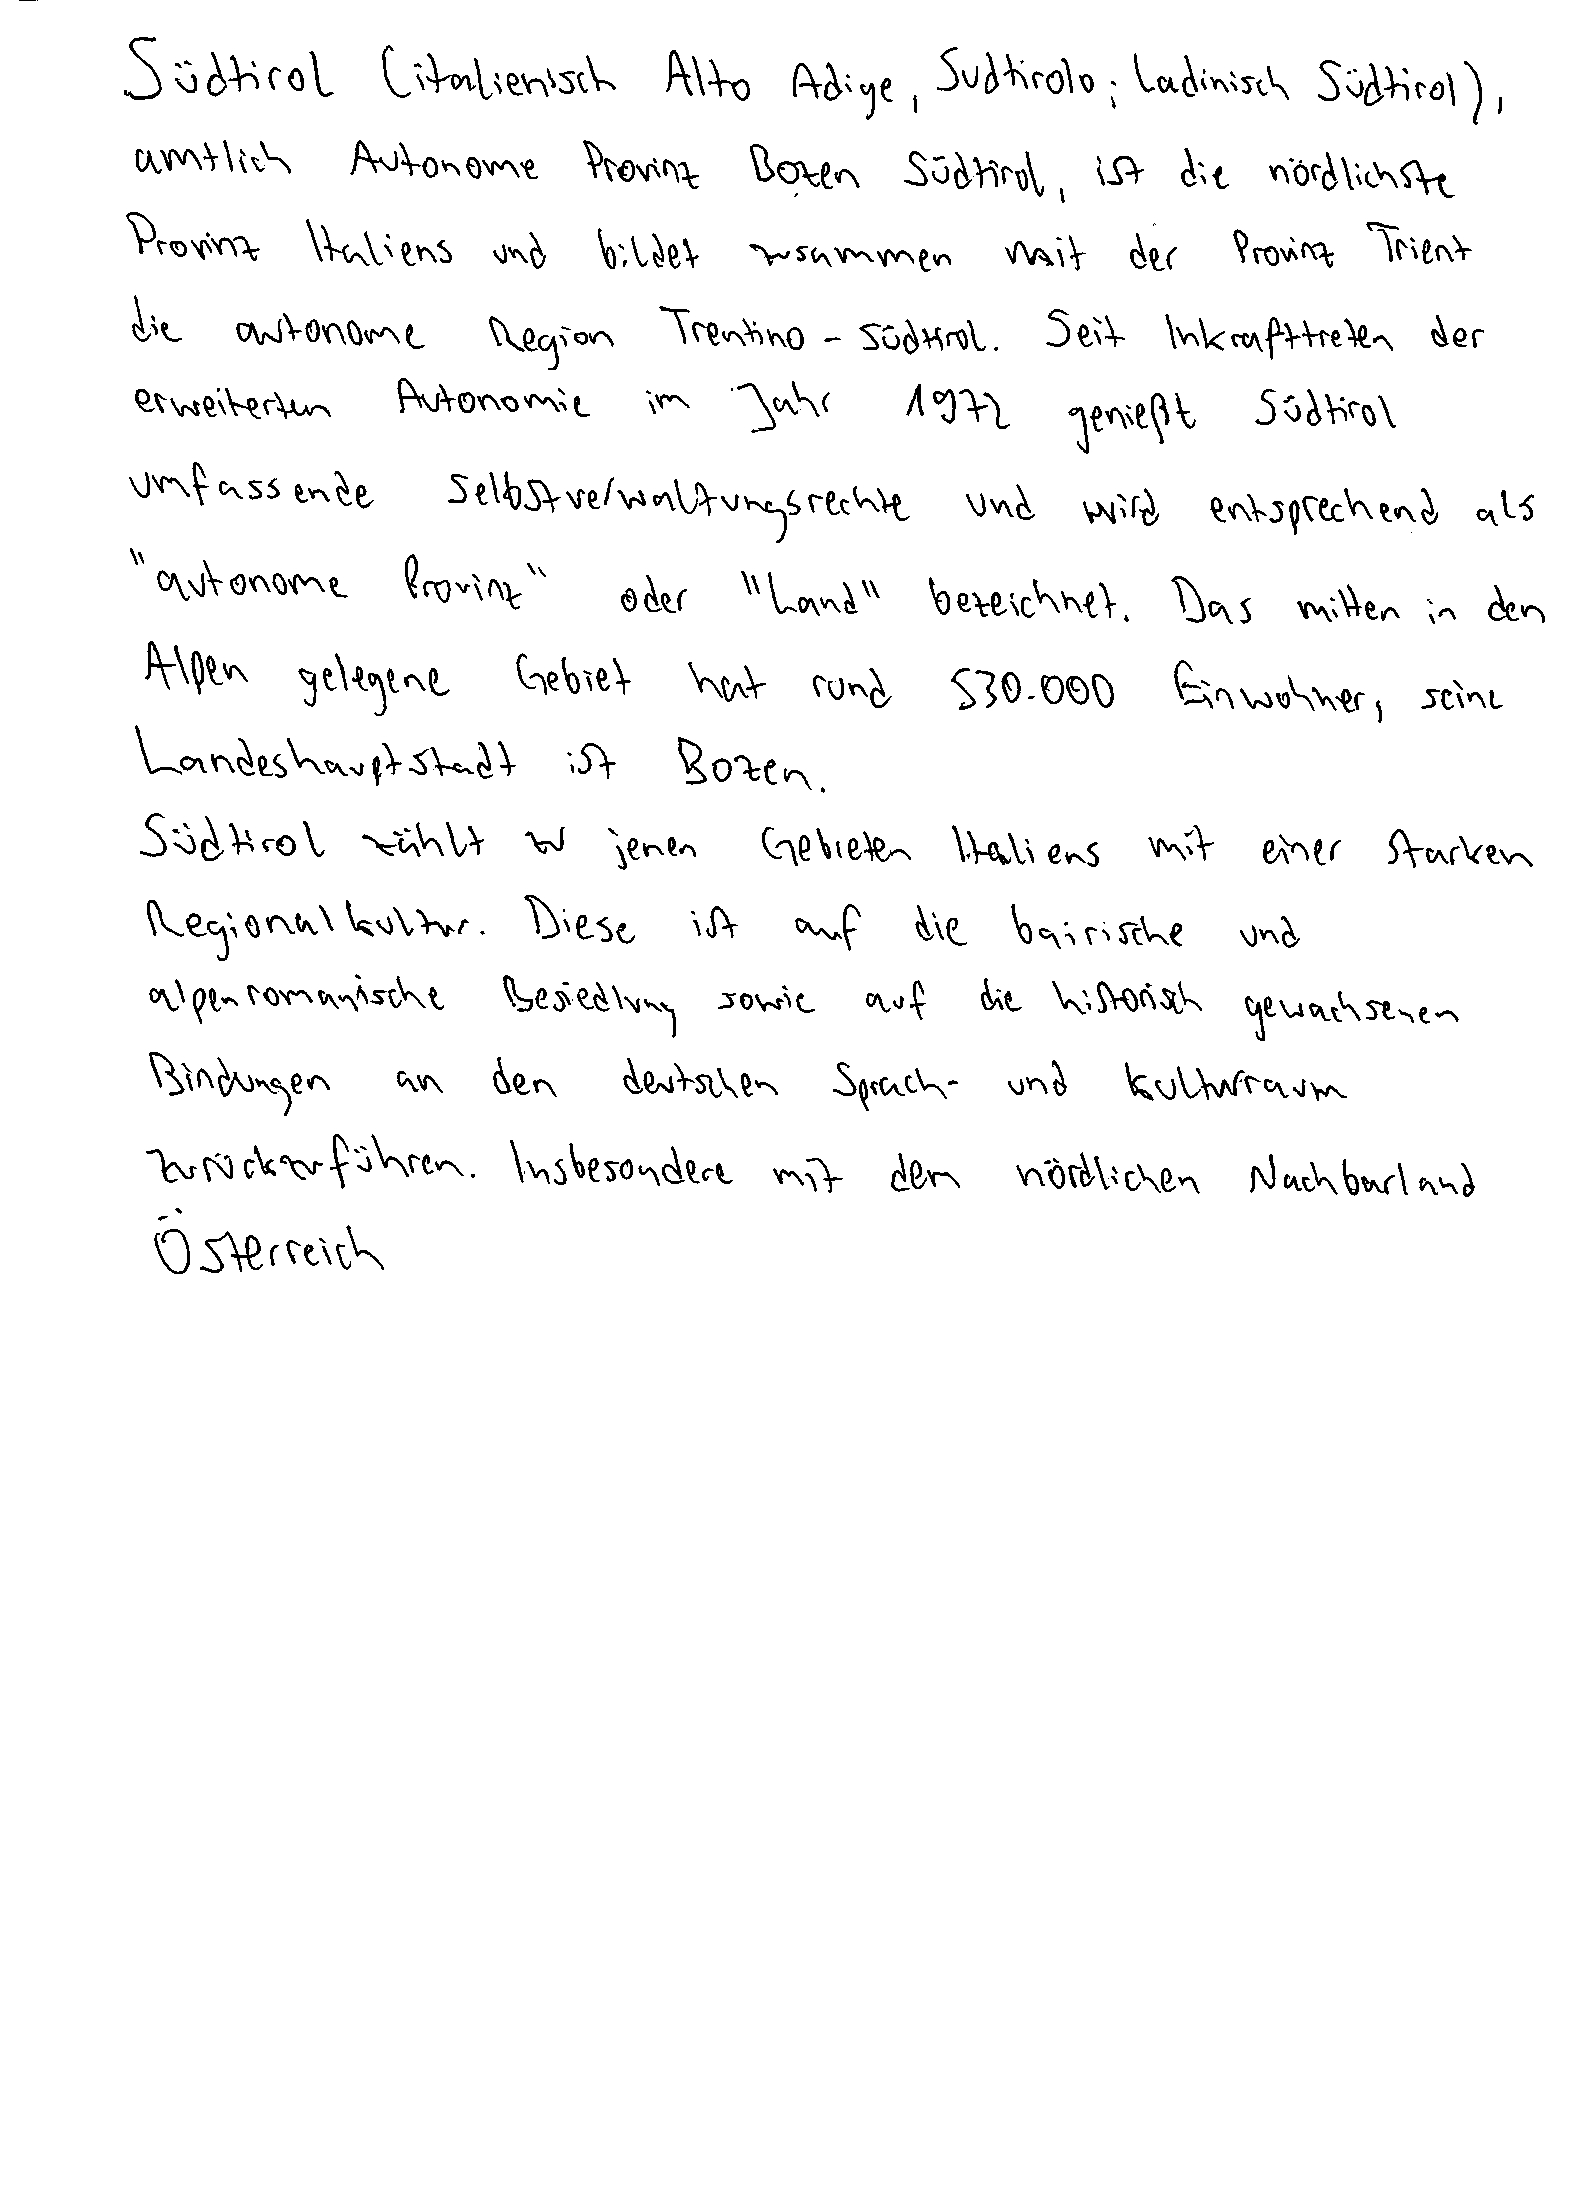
Südtirol (italienisch Alto Adige, Sudtirolo; Ladinisch Südtirol),
amtlich Autonome Provinz Bozen Südtirol, ist die nördlichste
Provinz Italiens und bildet zusammen mit der Provinz Trient
die autonome Region Trentino-Südtirol. Seit Inkrafttreten der
erweiterten Autonomie im Jahr 1972 genießt Südtirol
umfassende Selbstverwaltungsrechte und wird entsprechend als
"autonome Provinz" oder "Land" bezeichnet. Das mitten in den
Alpen gelegene Gebiet hat rund 530.000 Einwohner, seine
Landeshauptstadt ist Bozen.
Südtirol zählt zu jenen Gebieten Italiens mit einer starken
Regionalkultur. Diese ist auf die bairische und
alpenromanische Besiedlung sowie auf die historisch gewachsenen
Bindungen an den deutschen Sprach- und Kulturraum
zurückzuführen. Insbesondere mit dem nördlichen Nachbarland
Österreich
